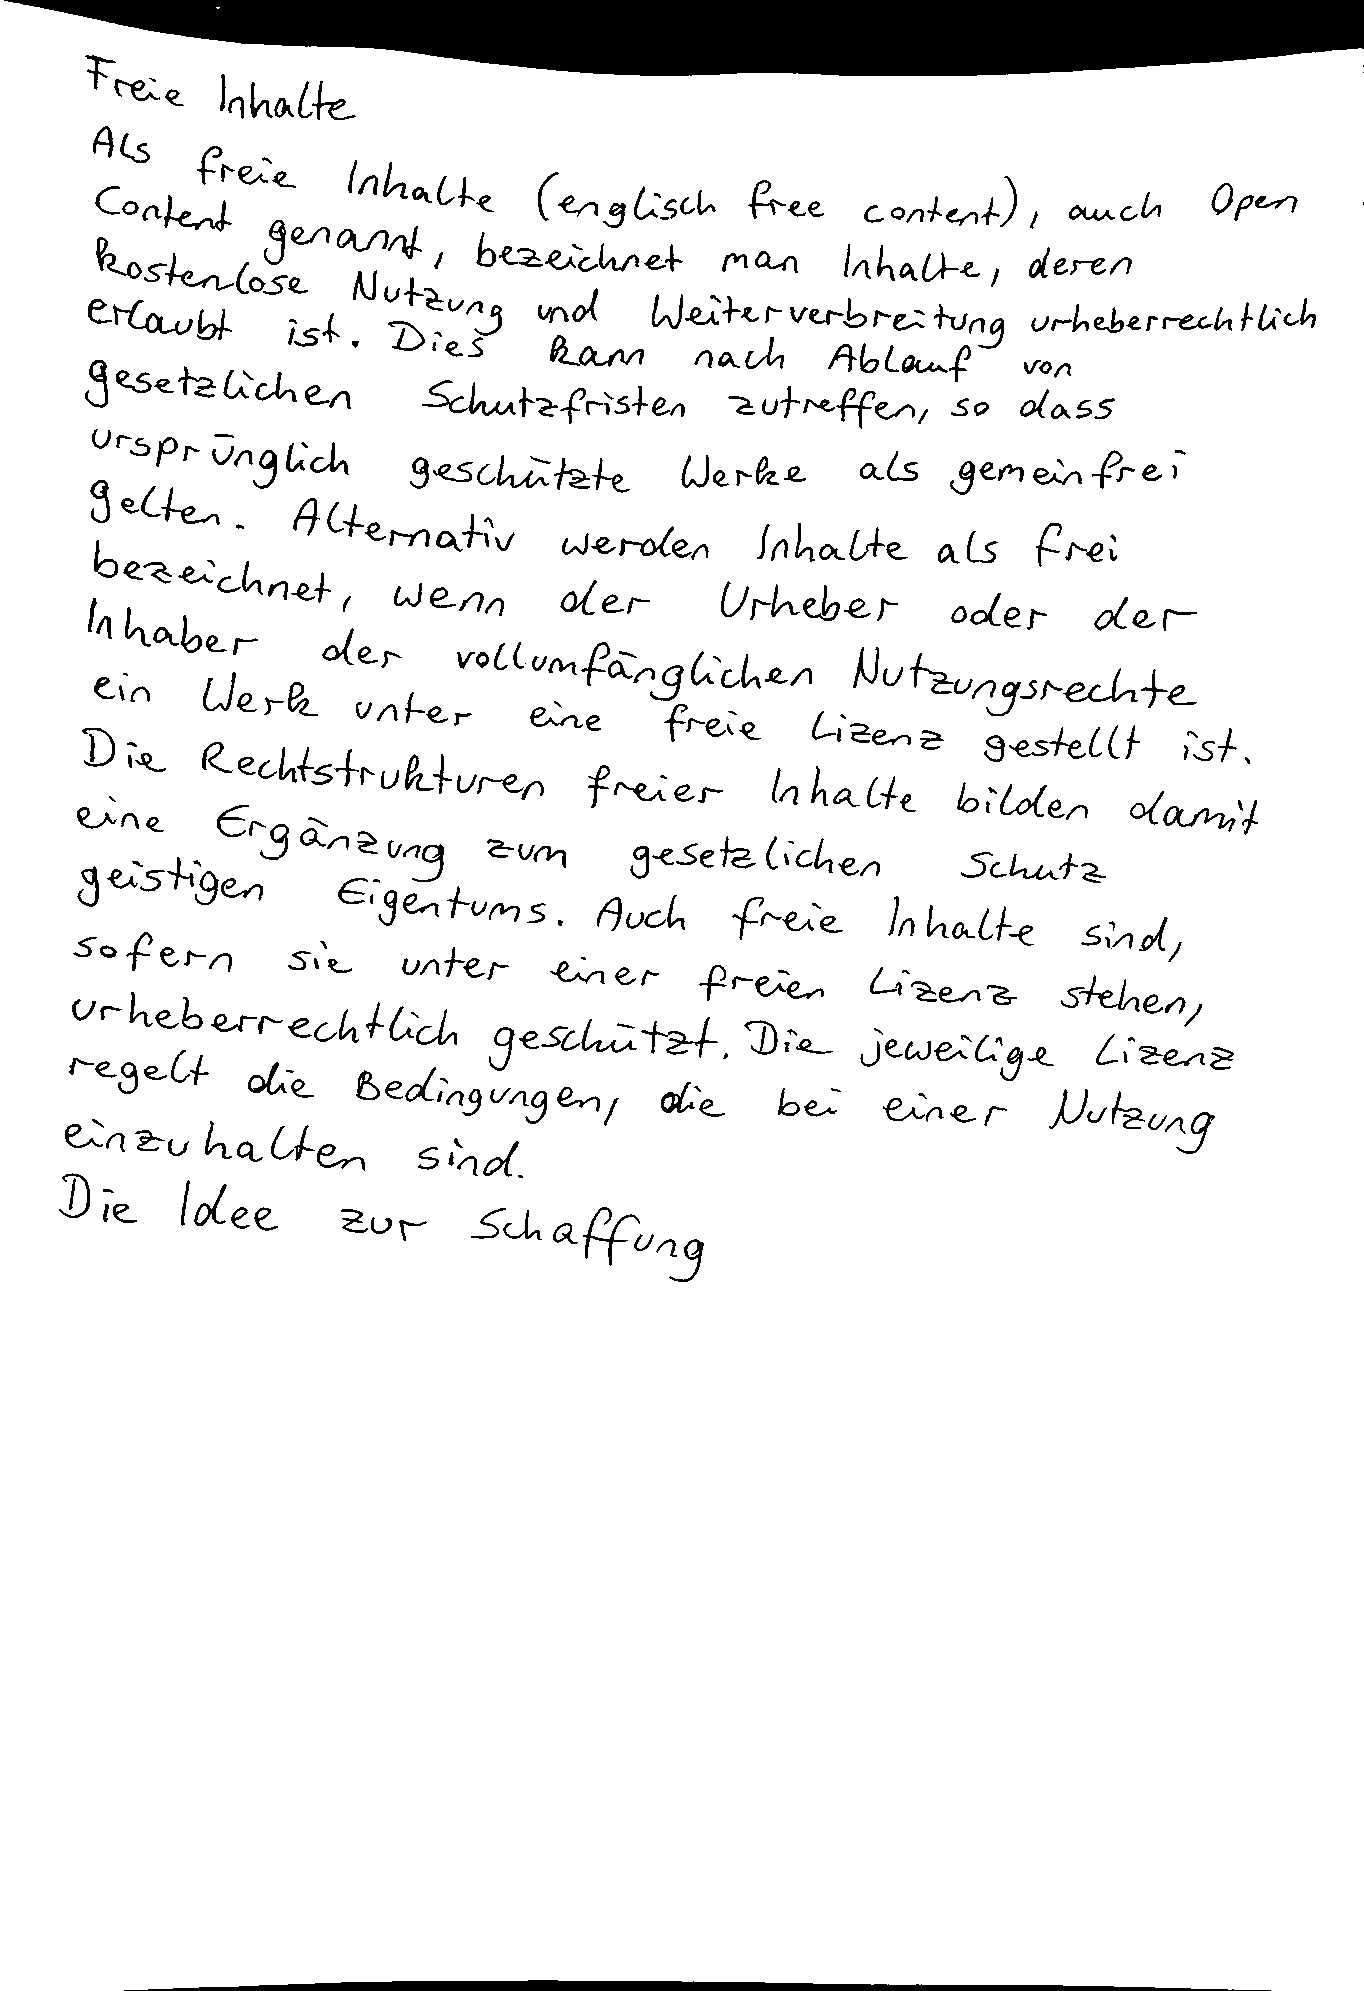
Freie Inhalte
freie Inhalte (englisch free content), auch Open
Content genannt, bezeichnet man Inhalte, deren
Kostenlose Nutzung und Weiterverbreitung urheberrechtlich
erlaubt ist. Dies kann nach Ablauf von
gesetzlichen Schutzfristen zutreffen, so dass
ursprünglich geschützte Werke als gemeinfrei
gelten. Alternativ werden Inhalte als frei
bezeichnet, wenn der Urheber oder der
Inhaber der vollumfänglichen Nutzungsrechte
ein Werk unter eine freie Lizenz gestellt ist.
Die Rechtsstrukturen freier Inhalte bilden damit
eine Ergänzung zum gesetzlichen Schutz
geistigen Eigentums. Auch freie Inhalte sind,
sofern sie unter einer freien Lizenz stehen,
rheberrechtlich geschützt. Die jeweilige Lizenz
regelt die Bedingungen, die bei einer Nutzung
einzuhalten sind.
Die Idee zur Schaffung
